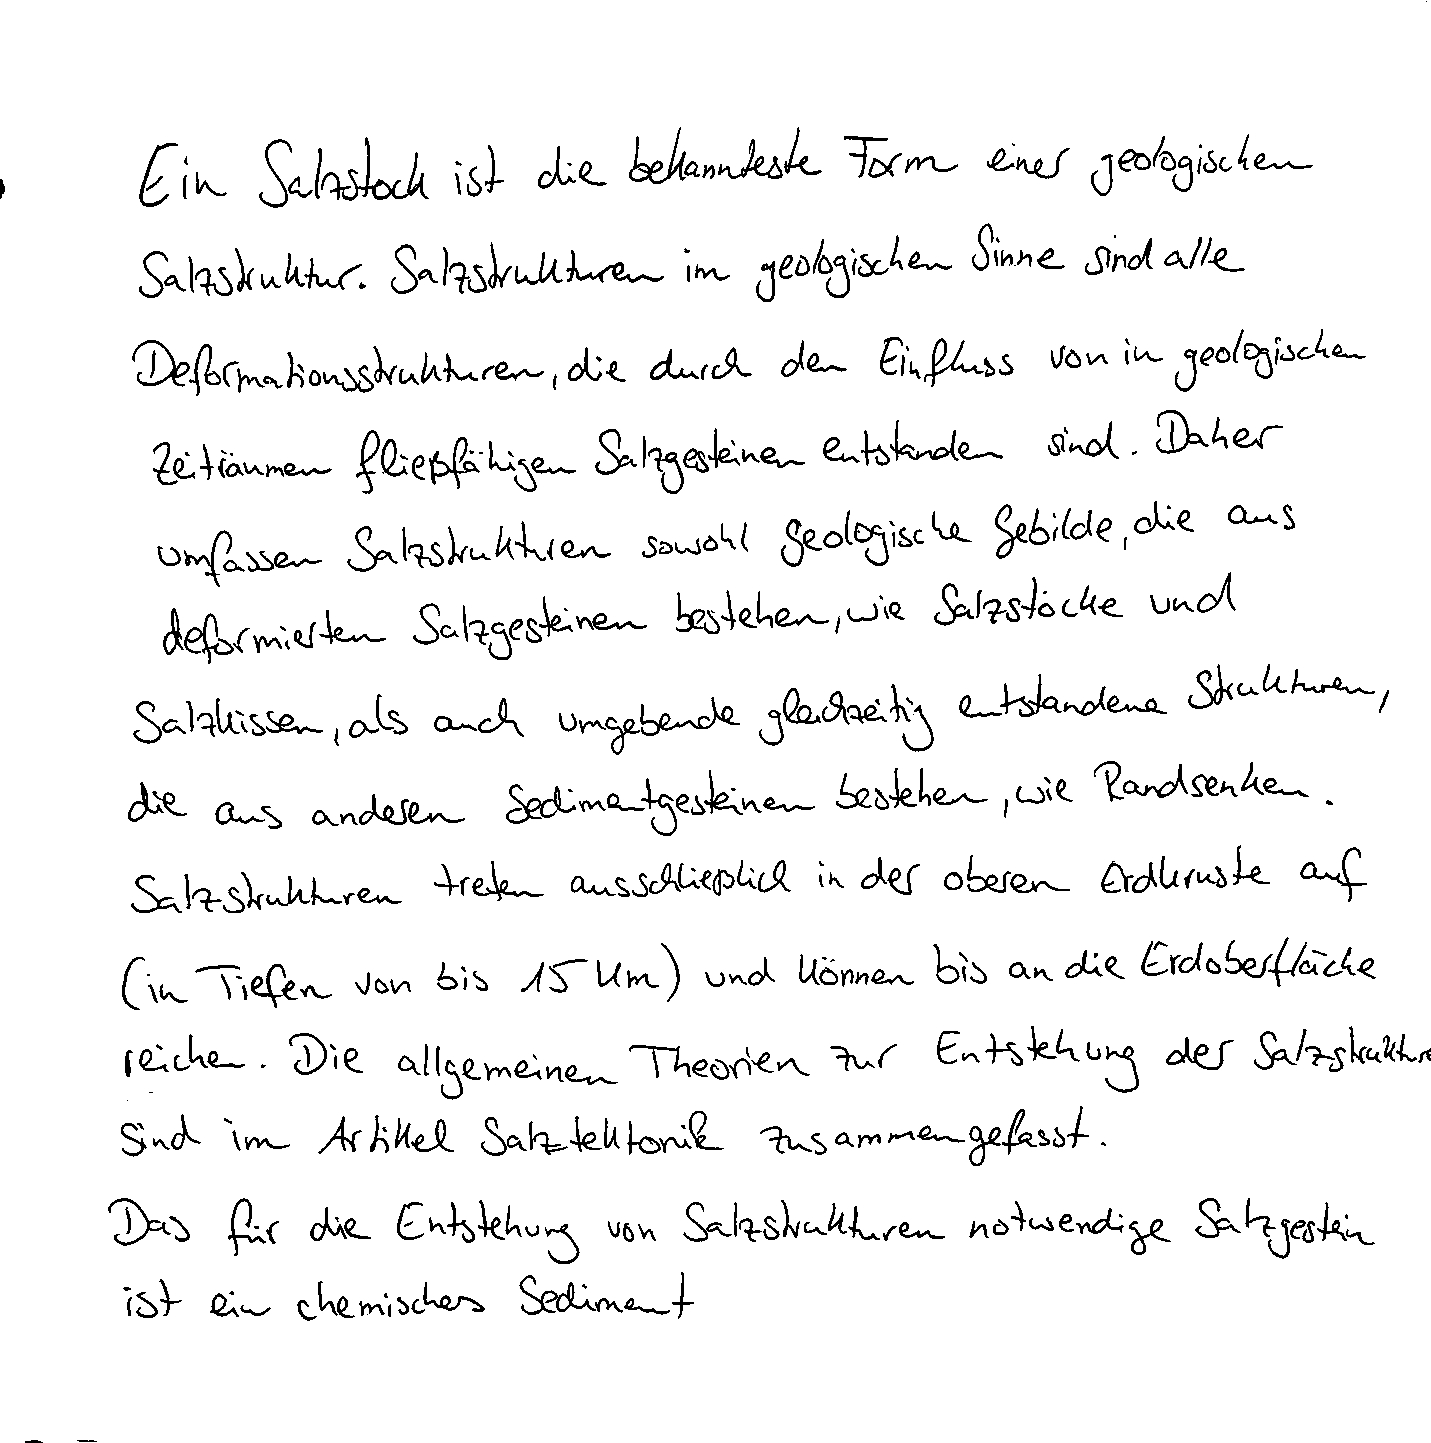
Ein Salzstock ist die bekannteste Form einer geologischen
Salzstrukturen im geologischen Sinne sind alle
Deformationstrukturen, die durch den Einfluss von in geologischen
Zeiträumen fließfähigen Salzgesteinen entstanden sind. Daher
umfassen Salzstrukturen sowohl geologische Gebilde, die aus
deformierten Salzgesteinen bestehen, wie Salzstöcke und
Salzkissen, als auch umgebende gleichzeitig entstandene Strukturen,
die aus anderen Sedimentgesteinen bestehen, wie Randsenken.
Salzstrukturen treten ausschließlich in der oberen Erdkruste auf
(in Tiefen von bis 15 km) und können bis an die Erdoberfläche
reichen. Die allgemeinen Theorien zur Entstehung der Salzstrukturen
sind im Artikel Salztektonik zusammengefasst.
Das für die Entstehung von Salzstrukturen notwendige Salzgestein
ist ein chemisches Sediment
